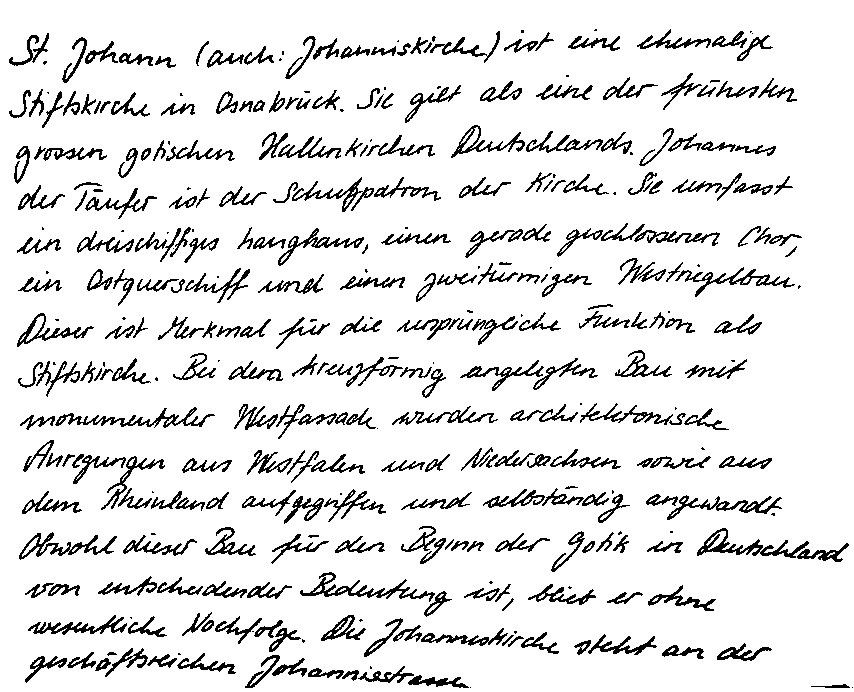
St. Johann (auch: Johanniskirche) ist eine ehemalige
Stiftskirche in Osnabrück. Sie gilt als eine der frühesten
großen gotischen Hallenkirchen Deutschlands. Johannes
der Täufer ist der Schutzpatron der Kirche. Sie umfasst
ein dreischiffiges Langhaus, einen gerade geschlossenen Chor,
ein Ostquerschiff und einen zweitürmigen Westriegelbau.
Dieser ist Merkmal für die ursprüngliche Funktion als
Stiftskirche. Bei dem kreuzförmig angelegten Bau mit
monumentaler Westfassade wurden architektonische
Anregungen aus Westfalen und Niedersachsen sowie aus
dem Rheinland aufgegriffen und selbständig angewandt.
Obwohl dieser Bau für den Beginn der Gotik in Deutschland
von entscheidender Bedeutung ist, blieb er ohne
wesentliche Nachfolge. Die Johanniskirche steht an der
geschäftsreichen Johannisstraße
